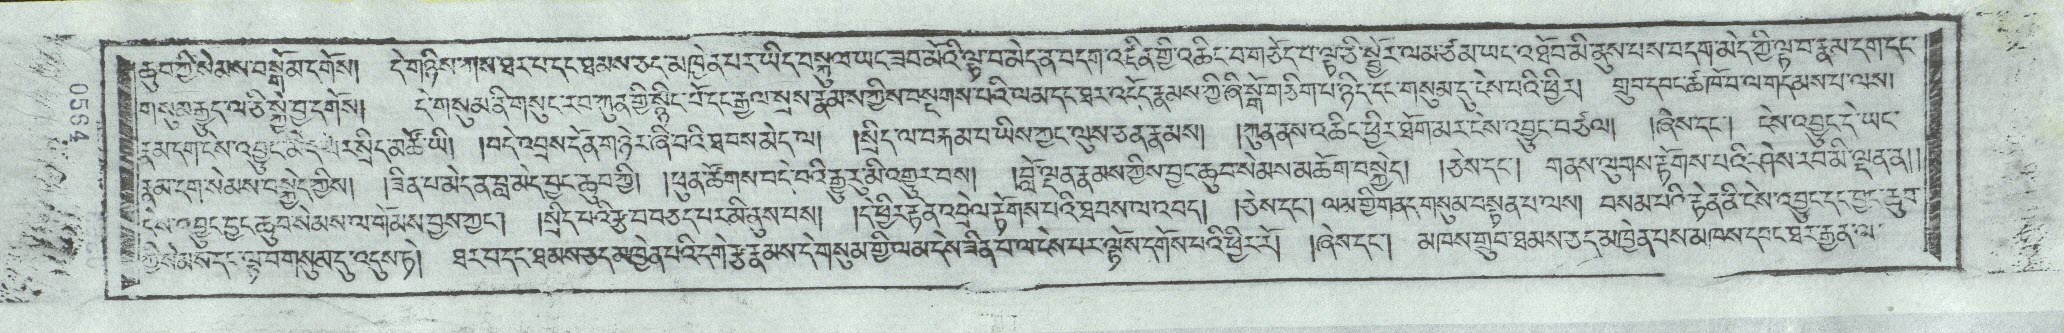ཆུབ་ཀྱི་སེམས་བསྒོམ་དགོས། དེ་གཉིས་ཀས་ཐར་པ་དང་ཐམས་ཅད་མཁྱེན་པར་ཡིད་བསྐུལ་ཡང་ཟབ་མོའི་ལྟ་བ་མེད་ན་བདག་འཛིན་གྱི་འཆིང་བ་གཅོད་པ་ལྟ་ཅི་སྦྱོར་ལམ་ཙམ་ཡང་འཐོབ་མི་ནུས་པས་བདག་མེད་ཀྱི་ལྟ་བ་རྣམ་དག་དང་
གསུམ་རྒྱུད་ལ་ཅི་སྐྱེ་བྱ་དགོས། དེ་གསུམ་ནི་གསུང་རབ་ཀུན་གྱི་སྙིང་པོ་དང་རྒྱལ་སྲས་རྣམས་ཀྱིས་བསྔགས་པའི་ལམ་དང་ཐར་འདོད་རྣམས་ཀྱི་ཞི་སྒོ་གཅིག་པ་ཉིད་དང་གསུམ་དུ་ངེས་པའི་ཕྱིར། གྲུབ་དབང་ཚ་ཁོ་བ་ལ་གདམས་པ་ལས།
རྣམ་དག་ངེས་འབྱུང་མེད་པར་སྲིད་མཚོ་ཡི། །བདེ་འབྲས་དོན་གཉེར་ཞི་བའི་ཐབས་མེད་ལ། །སྲིད་ལ་བརྐམ་པ་ཡིས་ཀྱང་ལུས་ཅན་རྣམས། །ཀུན་ནས་འཆིང་ཕྱིར་ཐོག་མར་ངེས་འབྱུང་བཙལ། །ཞེས་དང་། ངེས་འབྱུང་དེ་ཡང་
རྣམ་དག་སེམས་བསྐྱེད་ཀྱིས། །ཟིན་པ་མེད་ན་བླ་མེད་བྱང་ཆུབ་ཀྱི། །ཕུན་ཚོགས་བདེ་བའི་རྒྱུ་རུ་མི་འགྱུར་བས། །བློ་ལྡན་རྣམས་ཀྱིས་བྱང་ཆུབ་སེམས་མཆོག་བསྐྱེད། །ཅེས་དང་། གནས་ལུགས་རྟོགས་པའི་ཤེས་རབ་མི་ལྡན་ན།།
ངེས་འབྱུང་བྱང་ཆུབ་སེམས་ལ་གོམས་བྱས་ཀྱང་། །སྲིད་པའི་རྩ་བ་བཅད་པར་མི་ནུས་པས། །དེ་ཕྱིར་རྟེན་འབྲེལ་རྟོགས་པའི་ཐབས་ལ་འབད། །ཅེས་དང་། ལམ་གྱི་གནད་གསུམ་བསྟན་པ་ལས། བསམ་པའི་རྟེན་ནི་ངེས་འབྱུང་དང་བྱང་ཆུབ་
ཀྱི་སེམས་དང་ལྟ་བ་གསུམ་དུ་འདུས་ཏེ། ཐར་པ་དང་ཐམས་ཅད་མཁྱེན་པའི་དགེ་རྩ་རྣམས་དེ་གསུམ་གྱི་ལམ་དེས་ཟིན་པ་ལ་ངེས་པར་ལྟོས་དགོས་པའི་ཕྱིར་རོ། །ཞེས་དང་། མཁས་གྲུབ་ཐམས་ཅད་མཁྱེན་པས་མཁས་དབང་ཐར་རྒྱན་ལ་